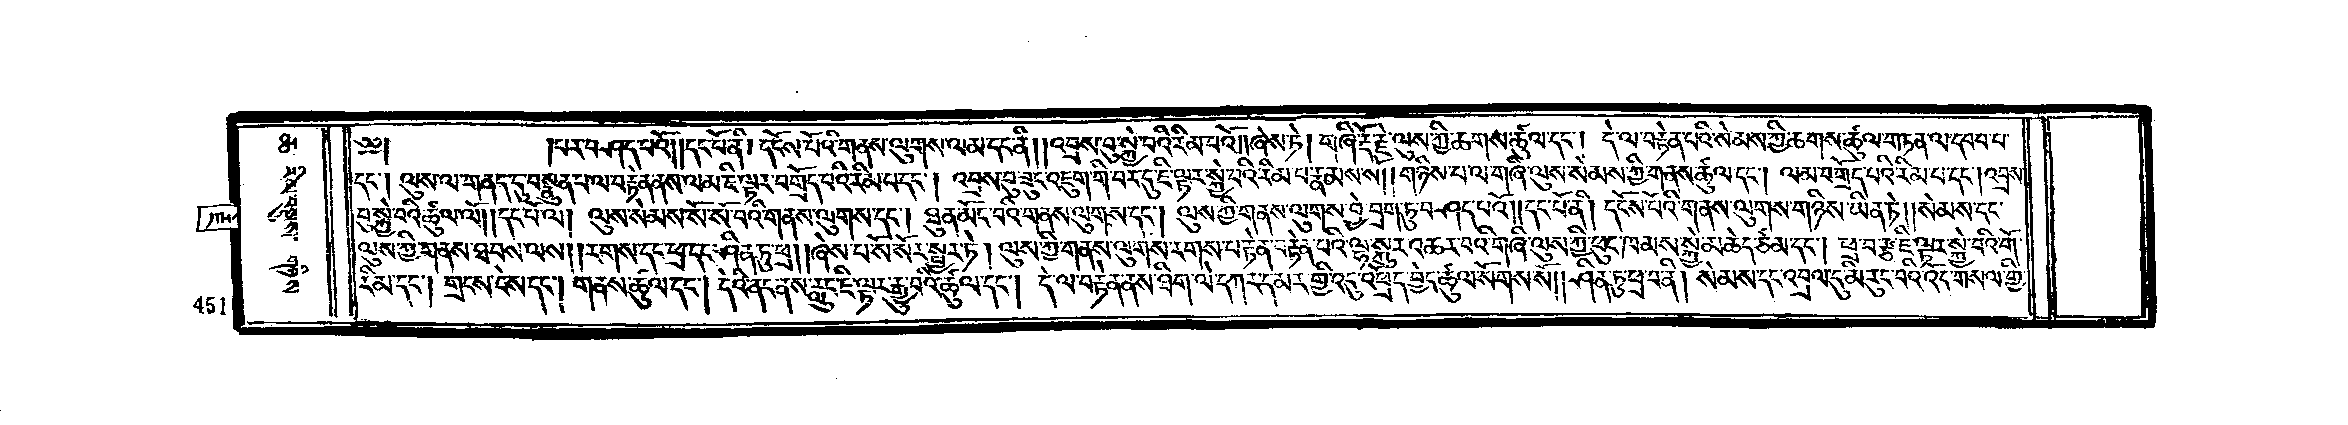༄༅། །པར་བཤད་པའོ། །དང་པོ་ནི། དངོས་པོའི་གནས་ལུགས་ལམ་དང་ནི། །འབྲས་བུ་སྐྱེ་བའི་རིམ་པའོ། །ཞེས་ཏེ། གཞི་རྡོ་རྗེ་ལུས་ཀྱི་ཆགས་ཚུལ་དང་། དེ་ལ་བརྟེན་པའི་སེམས་ཀྱི་ཆགས་ཚུལ་གཏན་ལ་དབབ་པ་
དང་། ལུས་ལ་གནད་དུ་བསྣུན་པ་ལ་བརྟེན་ནས་ལམ་ཇི་ལྟར་བགྲོད་པའི་རིམ་པ་དང་། འབྲས་བུ་ཟུང་འཇུག་གི་བར་དུ་ཇི་ལྟར་སྐྱེ་བའི་རིམ་པ་རྣམས་སོ། །གཉིས་པ་ལ་གཞི་ལུས་སེམས་ཀྱི་གནས་ཚུལ་དང་། ལམ་བགྲོད་པའི་རིམ་པ་དང་། འབྲས་
བུ་སྐྱེ་བའི་ཚུལ་ལོ། །དང་པོ་ལ། ལུས་སེམས་སོ་སོ་བའི་གནས་ལུགས་དང་། ཐུན་མོང་བའི་གནས་ལུགས་དང་། ལུས་ཀྱི་གནས་ལུགས་བྱེ་བྲག་ཏུ་བཤད་པའོ། །དང་པོ་ནི། དངོས་པོའི་གནས་ལུགས་གཉིས་ཡིན་ཏེ། །སེམས་དང་
ལུས་ཀྱི་གནས་ཐབས་ལས། །རགས་དང་ཕྲ་དང་ཤིན་ཏུ་ཕྲ། །ཞེས་པ་སོ་སོར་སྦྱར་ཏེ། ལུས་ཀྱི་གནས་ལུགས་རགས་པ་རྟེན་བརྟེན་པའི་ལྷ་སྐུར་འཆར་བའི་གཞི་ལུས་ཀྱི་ཕུང་ཁམས་སྐྱེ་མཆེད་ཙམ་དང་། ཕྲ་བ་རྩ་ཇི་ལྟར་སྐྱེ་བའི་གོ་
རིམ་དང་། གྲངས་ངེས་དང་། གནས་ཚུལ་དང་། དེའི་ནང་ནས་རླུང་ཇི་ལྟར་རྒྱུ་བའི་ཚུལ་དང་། དེ་ལ་བརྟེན་ནས་ཐིག་ལེ་དཀར་དམར་གྱི་འདུ་འཕྲོད་བྱེད་ཚུལ་སོགས་སོ། །ཤིན་ཏུ་ཕྲ་བ་ནི། སེམས་དང་འབྲལ་དུ་མི་རུང་བའི་འོད་གསལ་གྱི་